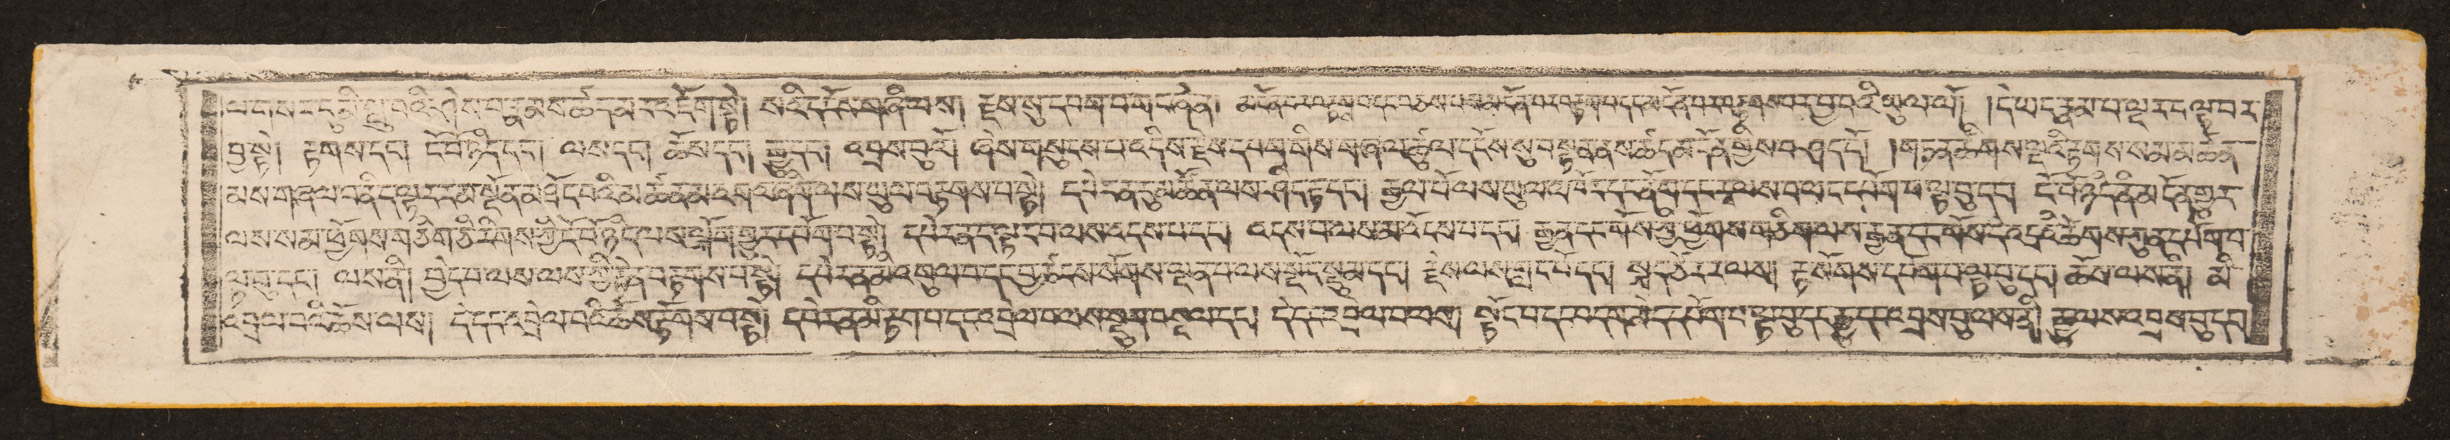ལ་གསར་དུ་མི་སླུ་པའི་ཤེས་པ་རྣམས་ཚད་མར་འཇོག་སྟེ། སའི་དངོས་གཞི་ལས། རྗེས་སུ་དཔག་པ་གང་ཞེ་ན། མངོན་པར་བརྟགས་པ་དང་བཅས་བས་མངོན་པར་བརྟག་པ་དང་མངོན་པར་བརྟགས་པར་བྱ་བའི་ཡུལ་ལོ། །དེ་ཡང་རྣམ་པ་ལྔ་རང་ལྟ་བར་
བྱ་སྟེ། རྟགས་དང་། ངོ་བོ་ཉིད་དང་། ལས་དང་། ཆོས་དང་། རྒྱུ་དང་། འབྲས་བུའོ། ཞེས་གསུངས་པ་འདིས་རྗེས་དཔག་གིས་གཞལ་ཚུལ་དངོས་སུ་བསྟན་ནས་ཚད་མངོན་གྱིས་བཤད་དོ། །གཏན་ཚིགས་ལྔའི་རྟགས་སམ་མཚན་
མས་གཞལ་བ་ནི་ད་ལྟར་རམ་སྔོན་མཐོང་བའི་མཚན་མ་འགའ་ཞིག་ལས་ཡུལ་བརྟགས་བ་སྟེ། དཔེར་ན་རུ་མཚོན་ལས་ཤིང་རྟ་དང་། རྒྱལ་པོ་ལས་ཡུལ་འཁོར་དང་ནོག་དང་རྭ་ལས་བ་ལང་དཔོག་པ་ལྟ་བུ་དང་། ངོ་བོ་ཉིད་ནི་མངོན་གྱུར་
ལས་སམ་ཕྱོགས་གཅིག་ཅི་རིགས་ཀྱི་ངོ་བོ་ཉིད་ལས་ལྐོག་གྱུར་དཔོག་པ་སྟེ། དཔེར་ན་ད་ལྟར་བ་ལས་འདས་པ་དང་། འདས་པ་ལས་མ་འོངས་པ་དང་། རྒྱན་དང་གོས་ཀྱི་ཕྱོགས་གཅིག་ལས་རྒྱན་དང་གོས་དེ་འདྲའི་ཚོགས་ཀུན་དཔོག་པ་
ལྟ་བུ་དང་། ལས་ནི། བྱེད་པ་ལས་ལས་ཀྱི་རྟེན་བརྟགས་པ་སྟེ། དཔེར་ན་མི་འགུལ་བ་དང་བྱ་ཚངས་སོགས་ལྡན་པ་ལས་སྡོང་སྡུམ་དང་། རྗེས་ལས་གླང་པོ་དང་། སྐད་ཙེ་རར་ལས། རྟ་སོགས་དཔོག་པ་ལྟ་བུ་དང་། ཆོས་ལས་ནི། མི་
འབྲལ་བའི་ཆོས་ལས། དེ་དང་འབྲེལ་བའི་ཆོས་རྟོགས་པ་སྟེ། དཔེར་ན་མི་རྟག་པ་དང་འབྲེལ་བ་ལས་སྡུག་བསྔལ་དང་། དེ་དང་འབྲེལ་བ་ལས། སྟོང་པ་དང་བདག་མེད་དཔོག་བ་ལྟ་བུ་དང་རྒྱུ་དང་འབྲས་བུ་ལས་ནི། རྒྱུ་ལས་འབྲས་བུ་དང་།